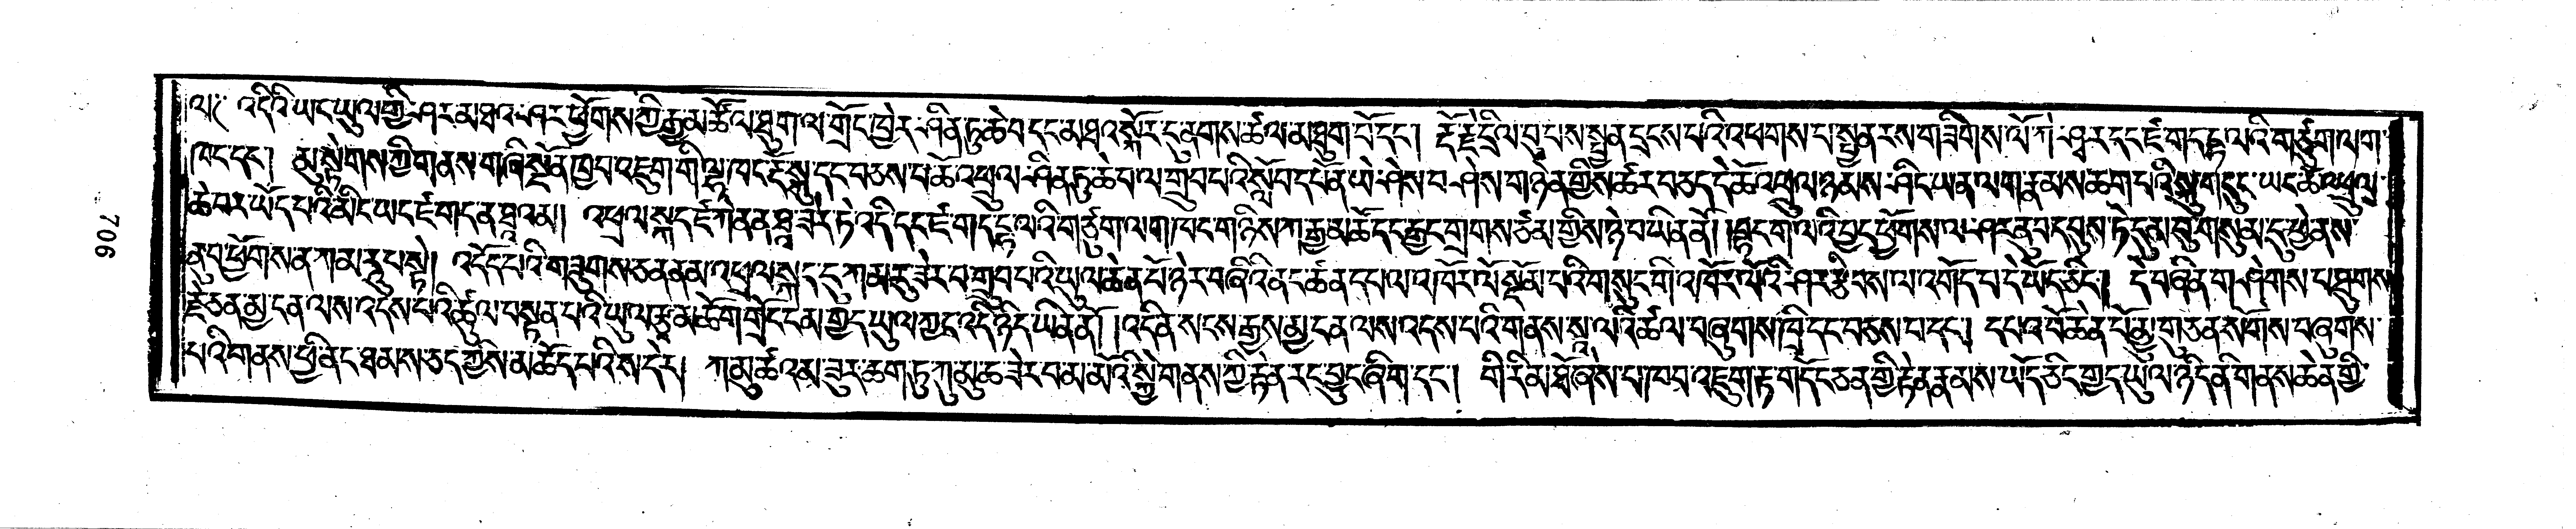ལ༑ འདིའི་ཡང་ཡུལ་གྱི་ཤར་མཐའ་ཤར་ཕྱོགས་ཀྱི་རྒྱ་མཚོ་ལ་ཐུག་ལ་གྲོང་ཁྱེར་ཤིན་ཏུ་ཆེ་བ་དང་མཐའ་སྐོར་དུ་ནགས་ཚལ་མ་ཐུག་པོ་དང་། རྡོ་རྗེ་དྲིལ་བུ་པས་སྤྱན་དྲངས་པའི་འཕགས་པ་སྤྱན་རས་གཟིགས་ལོ་ཀེ་ཤྭ་ར་དང་ཛ་གང་དྷ་ལའི་གཙུག་ལག་
ཁང་དང་། མུ་སྟེགས་ཀྱི་གནས་གཞི་སྔོན་ཁྱབ་འཇུག་གི་ལྷ་ཁང་རྡོ་སྐུ་དང་བཅས་པ་ཆོ་འཕྲུལ་ཤིན་ཏུ་ཆེ་བ་ལ་གྲུབ་པའི་སློབ་དཔོན་ཡེ་ཤེས་བཤེས་གཉེན་གྱིས་ཚར་བཅད་དེ་ཆོ་འཕྲུལ་ཉམས་ཤིང་ཡན་ལག་རྣམས་ཆག་པའི་སྐུ་གདུང་ཡང་ཆོ་འཕྲུལ་
ཆེ་བར་ཡོད་པའི་མིང་ཡང་ཛ་གད་ན་ཐཱམ། འཕྲལ་སྐད་ཛ་ཀེན་ན་ཐཱ་ཟེར་ཏེ་འདི་དང་ཛ་གད་དྷ་ལའི་གཙུག་ལག་ཁང་གཉིས་ཀ་རྒྱ་མཚོ་དང་རྒྱང་གྲགས་ཙམ་གྱིས་ཉེ་བ་ཡིན་ནོ། །བྷང་ག་ལའི་བྱང་ཕྱོགས་ལ་ཤར་ནུབ་དབུས་ཏེ་དུམ་བུ་གསུམ་དུ་ཕྱེ་ནས་
ནུབ་ཕྱོགས་ན་ཀམ་རཱུ་པ་སྟེ། འདོད་པའི་གཟུགས་ཅན་ནམ་འཕྲལ་སྐད་དུ་ཀམ་རུ་ཟེར་བ་གྲུབ་པའི་ཡུལ་ཆེན་པོ་ཉེར་བཞིའི་ནང་ཚན་དཔལ་འཁོར་ལོ་སྡོམ་པའི་གསུང་གི་འཁོར་ལོའི་ཤར་རྩིབས་ལ་འགོད་པ་དེ་ཡོད་ཅིང་། དེ་བཞིན་གཤེགས་པ་ཐུགས་
རྗེ་ཅན་མྱ་ངན་ལས་འདས་པའི་ཚུལ་བསྟན་པའི་ཡུལ་རྩྭ་མཆོག་གྲོང་ངམ་གྱད་ཡུལ་ཀྱང་འདི་ཉིད་ཡིན་ནོ། །འདི་ན་སངས་རྒྱས་མྱ་ངན་ལས་འདས་པའི་གནས་སཱ་ལའི་ཚལ་བཞུགས་ཁྲི་དང་བཅས་པ་དང་། དཔའ་བོ་ཆེན་པོ་མྱུ་གུ་ཅན་སོགས་བཞུགས་
པའི་གནས་ཕྱི་ནང་ཐམས་ཅད་ཀྱིས་མཆོད་པའི་ས་དེར། ཀ་མུ་ཚའམ་ཟུར་ཆག་ཏུ་ཀུ་མུ་ཆ་ཟེར་བ་མ་མོའི་སྐྱེ་གནས་ཀྱི་རྟེན་རང་བྱུང་ཞིག་དང་། གི་རིམ་ཐོ་ཞེས་པ་ཁབ་འཇུག་རྟ་གདོང་ཅན་གྱི་རྟེན་རྣམས་ཡོད་ཅིང་གྱད་ཡུལ་ཉིད་ནི་གནས་ཆེན་གྱི་